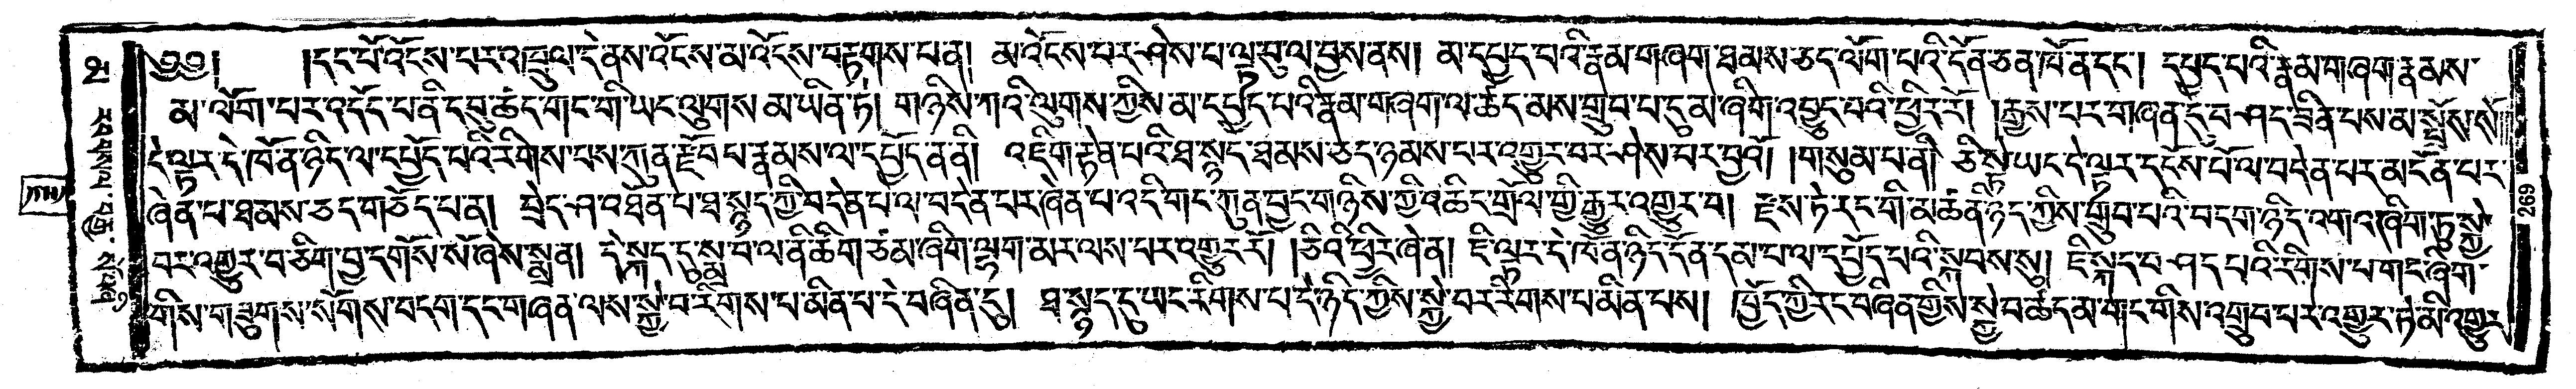༄༅། །དང་པོ་འོངས་པར་འཁྲུལ་དེ་ནས་འོངས་མ་འོངས་བརྟགས་པ་ན། མ་འོངས་པར་ཤེས་པ་ལྟ་བུ་ལ་བྱས་ནས། མ་དཔྱད་པའི་རྣམ་གཞག་ཐམས་ཅད་ལོག་པའི་དོན་ཅན་ཁོ་ན་དང་། དཔྱད་པའི་རྣམ་གཞག་རྣམས་
མ་ལོག་པར་འདོད་པ་ནི་དབུ་ཚད་གང་གི་ཡང་ལུགས་མ་ཡིན་ཏེ། གཉིས་ཀའི་ལུགས་ཀྱིས་མ་དཔྱད་པའི་རྣམ་གཞག་ལ་ཚད་མས་གྲུབ་པ་དུ་མ་ཞིག་འབྱུང་བའི་ཕྱིར་རོ། །རྒྱས་པར་གཞན་དུ་བཤད་ཟིན་པས་མ་སྤྲོས་སོ།།
དེ་ལྟར་དེ་ཁོ་ན་ཉིད་ལ་དཔྱོད་པའི་རིགས་པས་ཀུན་རྫོབ་པ་རྣམས་ལ་དཔྱོད་ན་ནི། འཇིག་རྟེན་པའི་ཐ་སྙད་ཐམས་ཅད་ཉམས་པར་འགྱུར་བར་ཤེས་པར་བྱའོ། །གསུམ་པ་ནི། ཅི་སྟེ་ཡང་དེ་ལྟར་དངོས་པོ་ལ་བདེན་པར་མངོན་པར་
ཞེན་པ་ཐམས་ཅད་གཅོད་པ་ན། བྲེད་ཤ་འཐོན་པ་ཐ་སྙད་ཀྱི་བདེན་པ་ལ་བདེན་པར་ཞེན་པ་འདི་གང་ཀུན་བྱང་གཉིས་ཀྱི་འཆིང་གྲོལ་གྱི་རྒྱུར་འགྱུར་བ། རྫས་ཏེ་རང་གི་མཚན་ཉིད་ཀྱིས་གྲུབ་པའི་བདག་ཉིད་འགའ་ཞིག་ཏུ་སྐྱེ་
བར་འགྱུར་བ་ཅིག་བྱ་དགོས་སོ་ཞེས་སྨྲ་ན། དེ་སྐད་དུ་སྨྲ་བ་ལ་ནི་ཚིག་ཙམ་ཞིག་ལྷག་མར་ལུས་པར་འགྱུར་རོ། །ཅིའི་ཕྱིར་ཞེ་ན། ཇི་ལྟར་དེ་ཁོ་ན་ཉིད་དོན་དམ་པ་ལ་དཔྱོད་པའི་སྐབས་སུ། ཇི་སྐད་བཤད་པའི་རིགས་པ་གང་ཞིག་
གིས་གཟུགས་སོགས་བདག་དང་གཞན་ལས་སྐྱེ་བ་རིགས་པ་མིན་པ་དེ་བཞིན་དུ། ཐ་སྙད་དུ་ཡང་རིགས་པ་དེ་ཉིད་ཀྱིས་སྐྱེ་བར་རིགས་པ་མིན་པས། ཁྱོད་ཀྱི་རང་བཞིན་གྱིས་སྐྱེ་བ་ཚད་མ་གང་གིས་འགྲུབ་པར་འགྱུར་ཏེ་མི་འགྱུར་